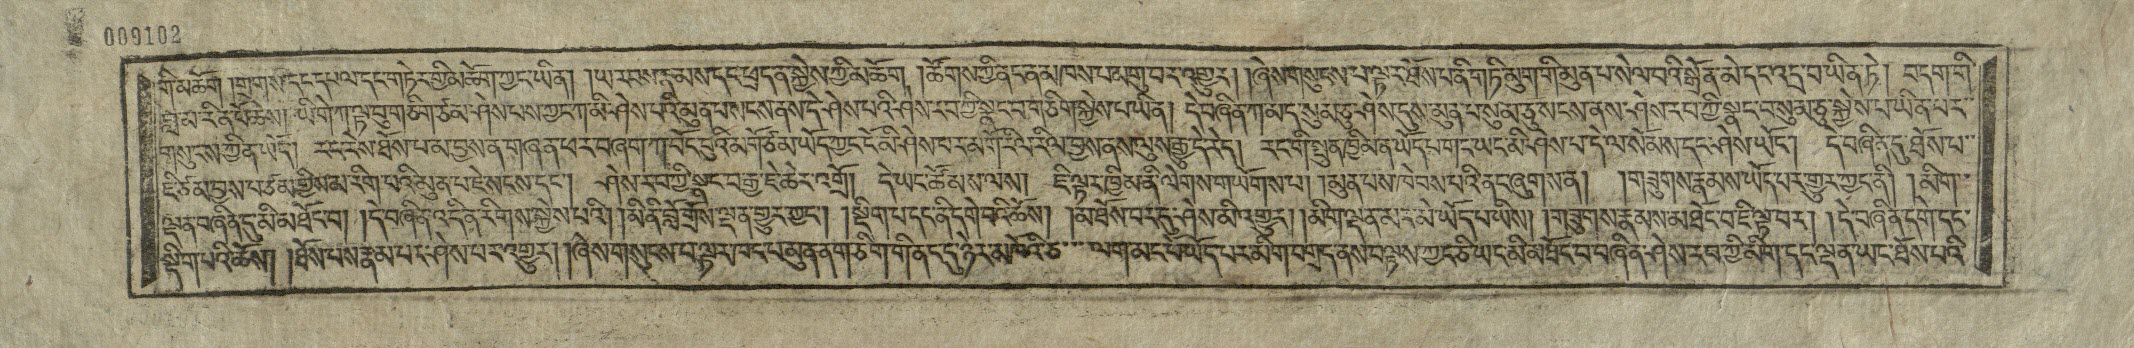གི་མཆོག །གྲགས་དང་དཔལ་དང་གཏེར་གྱི་མཆོག་ཀྱང་ཡིན། །ཡ་རབས་རྣམས་དང་ཕྲད་ན་སྐྱེས་ཀྱི་མཆོག །ཚོགས་ཀྱི་ནང་ན་མཁས་པ་མགུ་བར་འགྱུར། །ཞེས་གསུངས་པ་ལྟར་ཐོས་པ་ནི་གཏི་མུག་གི་མུན་པ་སེལ་བའི་སྒྲོན་མེ་དང་འདྲ་བ་ཡིན་ཏེ། བདག་གི་
བླ་མ་རིན་པོ་ཆེས། ཡི་གེ་ཀ་ལྟ་བུ་གཅིག་ཙམ་ཤེས་པས་ཀྱང་ཀ་མི་ཤེས་པའི་མུན་པ་སངས་ནས་དེ་ཤེས་པའི་ཤེས་རབ་ཀྱི་སྣང་བ་གཅིག་སྐྱེས་པ་ཡིན། དེ་བཞིན་ཀ་མད་སུམ་ཅུ་ཤེས་དུས་མུན་པ་སུམ་ཅུ་སངས་ནས་ཤེས་རབ་ཀྱི་སྣང་བ་སུམ་ཅུ་སྐྱེས་པ་ཡིན་པར་
གསུངས་ཀྱིན་ཡོད། རང་རེས་ཐོས་པ་མ་བྱས་ན་གཞན་ཕར་བཞག་ཀ་བོང་བུའི་མགོ་ཙམ་ཡོད་ཀྱང་ངོ་མི་ཤེས་པར་མགོ་རིལ་རིལ་བྱས་ནས་ལུས་རྒྱུ་དེ་རེད། རང་གི་སྤུན་ཁྱིམ་ན་ཡོད་པ་གང་ཡང་མི་ཤེས་པ་དེ་ལ་སོམས་དང་ཤེས་ཡོང་། དེ་བཞིན་དུ་ཐོས་པ་
ཇི་ཙམ་བྱས་པ་ཙམ་གྱིས་མ་རིག་པའི་མུན་པ་ཇེ་སངས་དང་། ཤེས་རབ་ཀྱི་སྣང་བ་རྒྱ་ཇེ་ཆེར་འགྲོ། དེ་ཡང་ཚོམས་ལས། ཇི་ལྟར་ཁྱིམ་ནི་ལེགས་གཡོགས་པ། །མུན་པས་ཁེབས་པའི་ནང་ཞུགས་ན། །གཟུགས་རྣམས་ཡོད་པར་གྱུར་ཀྱང་ནི། །མིག་
ལྡན་བཞིན་དུ་མི་མཐོང་བ། །དེ་བཞིན་འདི་ན་རིགས་སྐྱེས་པའི། །མི་ནི་བློ་གྲོས་ལྡན་གྱུར་ཀྱང་། །སྡིག་པ་དང་ནི་དགེ་བའི་ཆོས། །མ་ཐོས་པར་དུ་ཤེས་མི་འགྱུར། །མིག་ལྡན་མར་མེ་ཡོད་པ་ཡིས། །གཟུགས་རྣམས་མཐོང་བ་ཇི་ལྟ་བར། །དེ་བཞིན་དགེ་དང་
སྡིག་པའི་ཆོས། །ཐོས་པས་རྣམ་པར་ཤེས་པར་འགྱུར། །ཞེས་གསུངས་པ་ལྟར་ཁང་པ་མུན་ནག་ཅིག་གི་ནང་དུ་ཉེར་མཁོའི་ཅ་ལག་མང་པོ་ཡོད་པར་མིག་བགྲད་ནས་བལྟས་ཀྱང་ཅི་ཡང་མི་མཐོང་བ་བཞིན་ཤེས་རབ་ཀྱི་མིག་དང་ལྡན་ཡང་ཐོས་པའི་